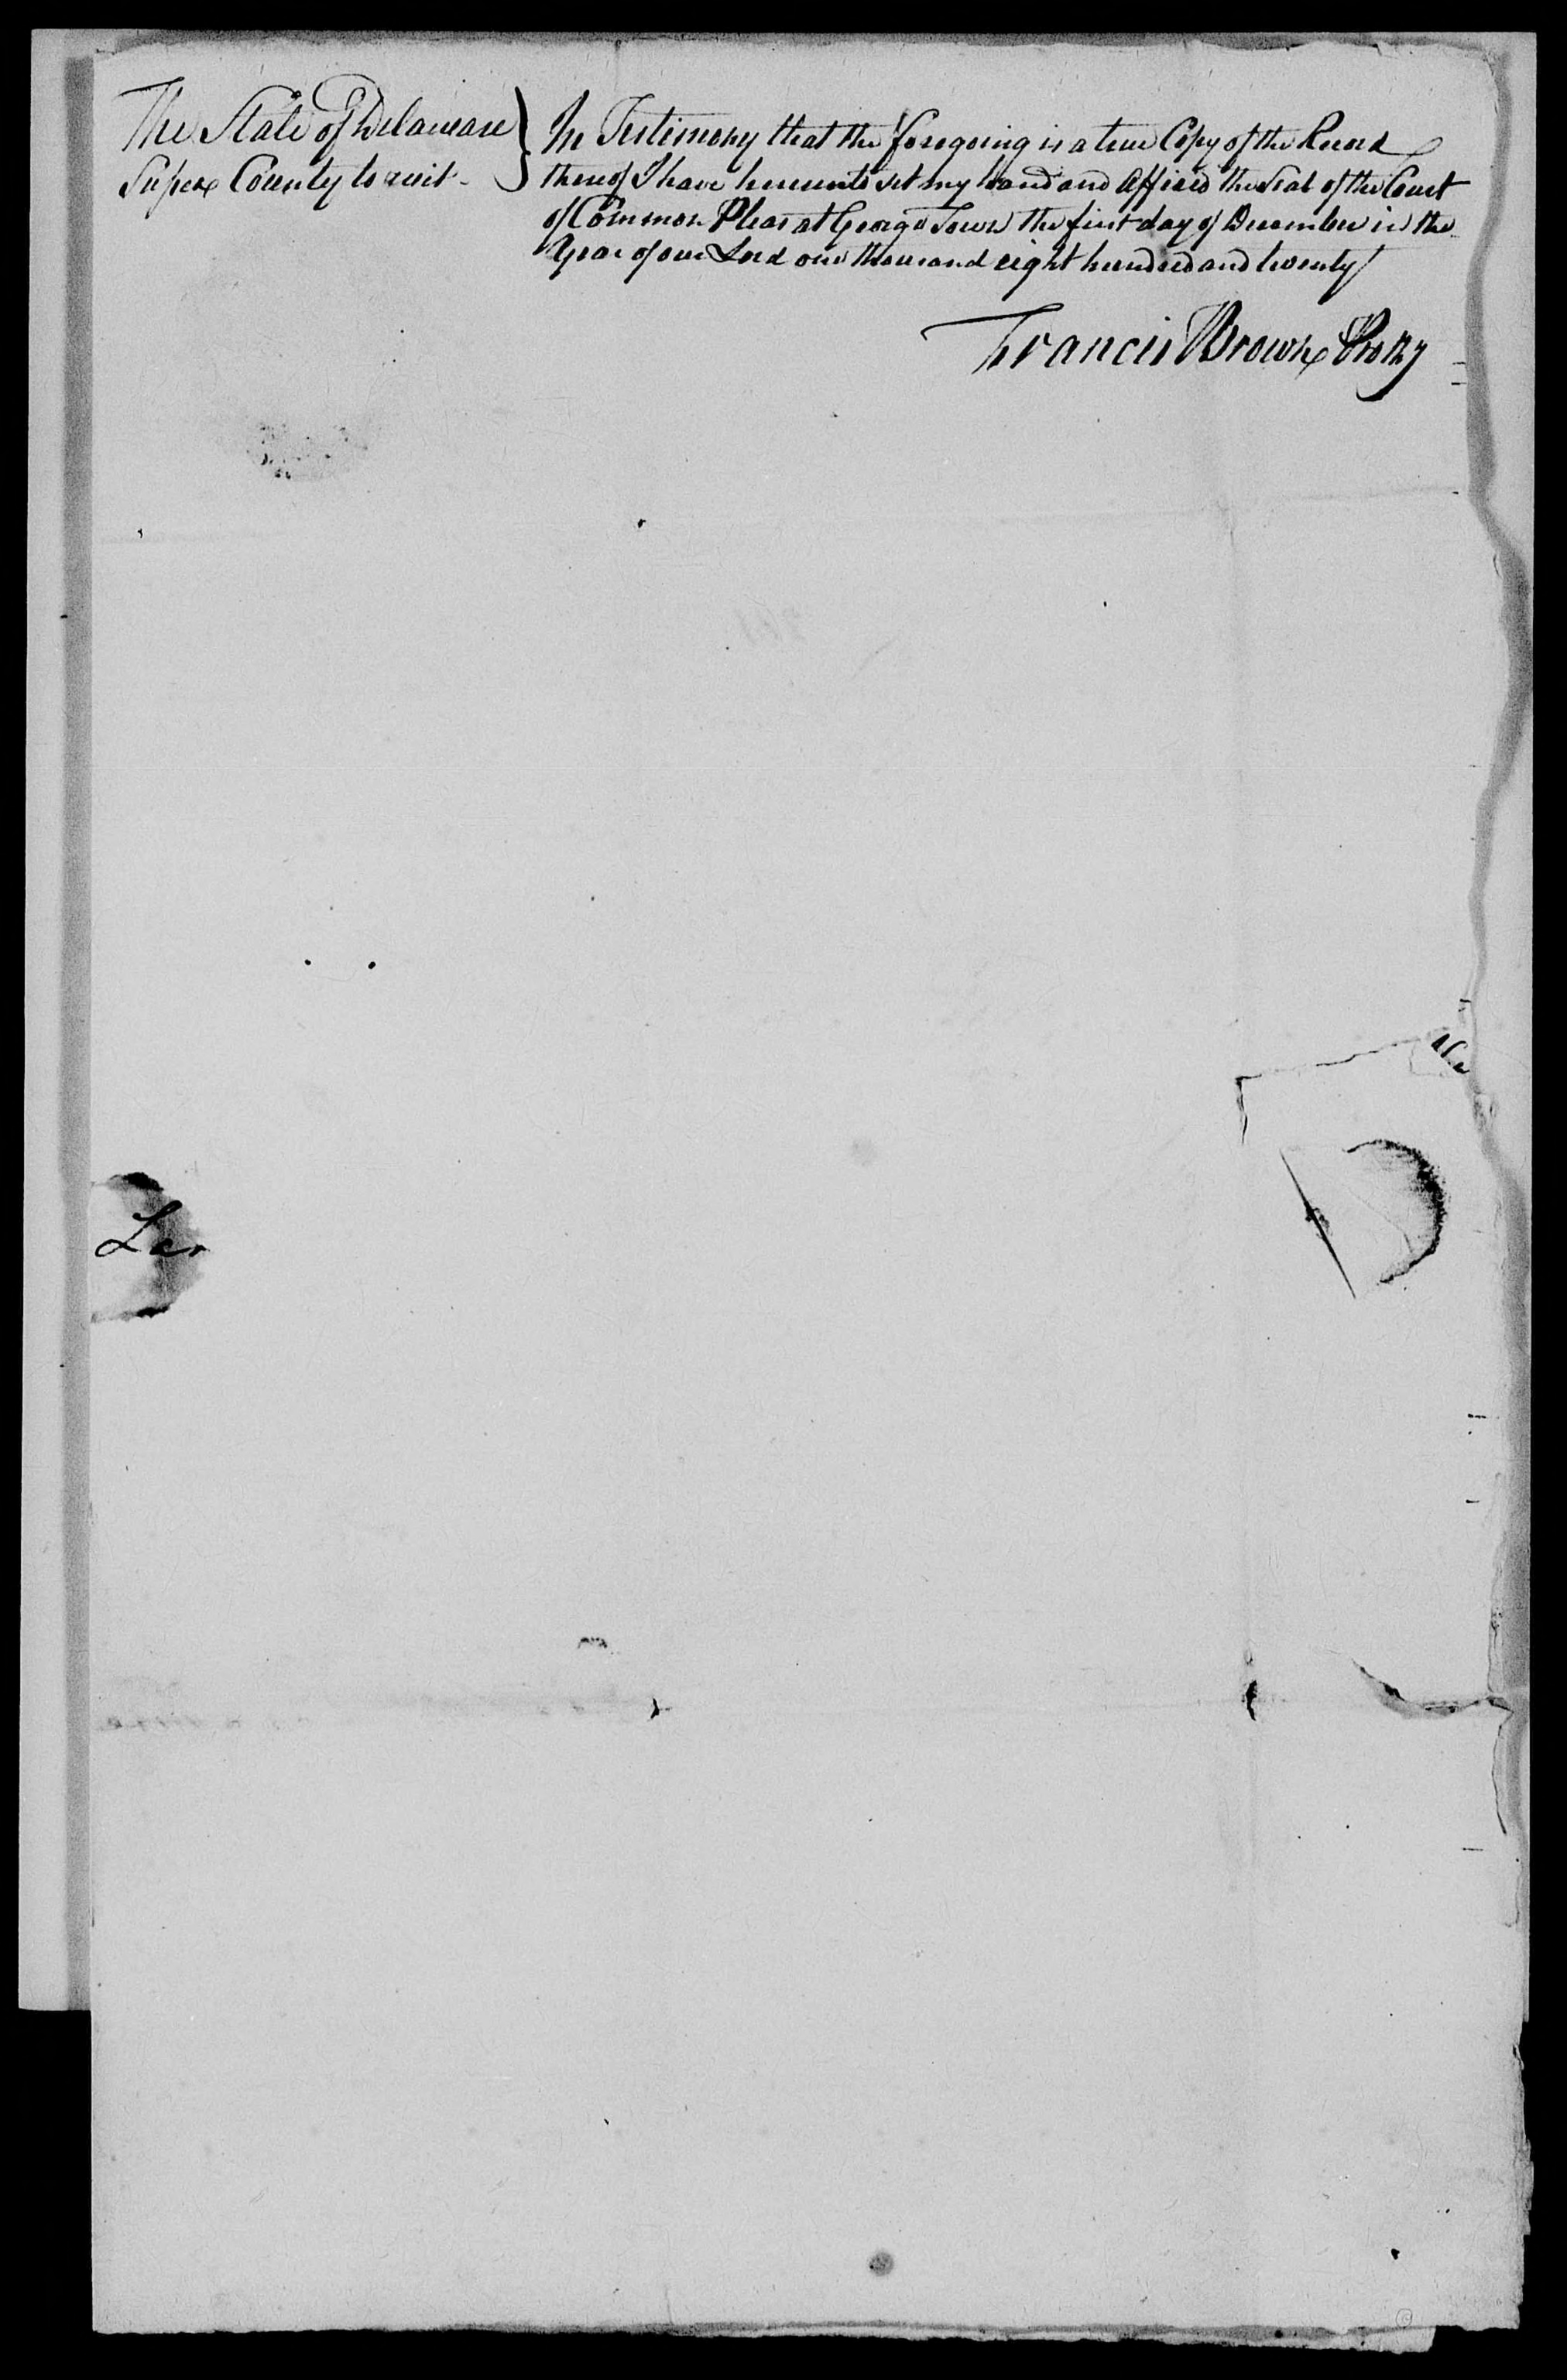The State of Delaware
Sussex County to wit} 
In Testimony that the foregoing is a true Copy of the Record thereof I have hereunto set my hand and affixed the Seal of the Court of Common Pleas at George Town the first day of December in the year of our Lord one thousand eight hundred and twenty
[signed] Francis Brown Prothy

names: Francis Brown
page: 10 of 12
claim: survivor's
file: S. 36,040, for Mitchell Lecatt, Delaware